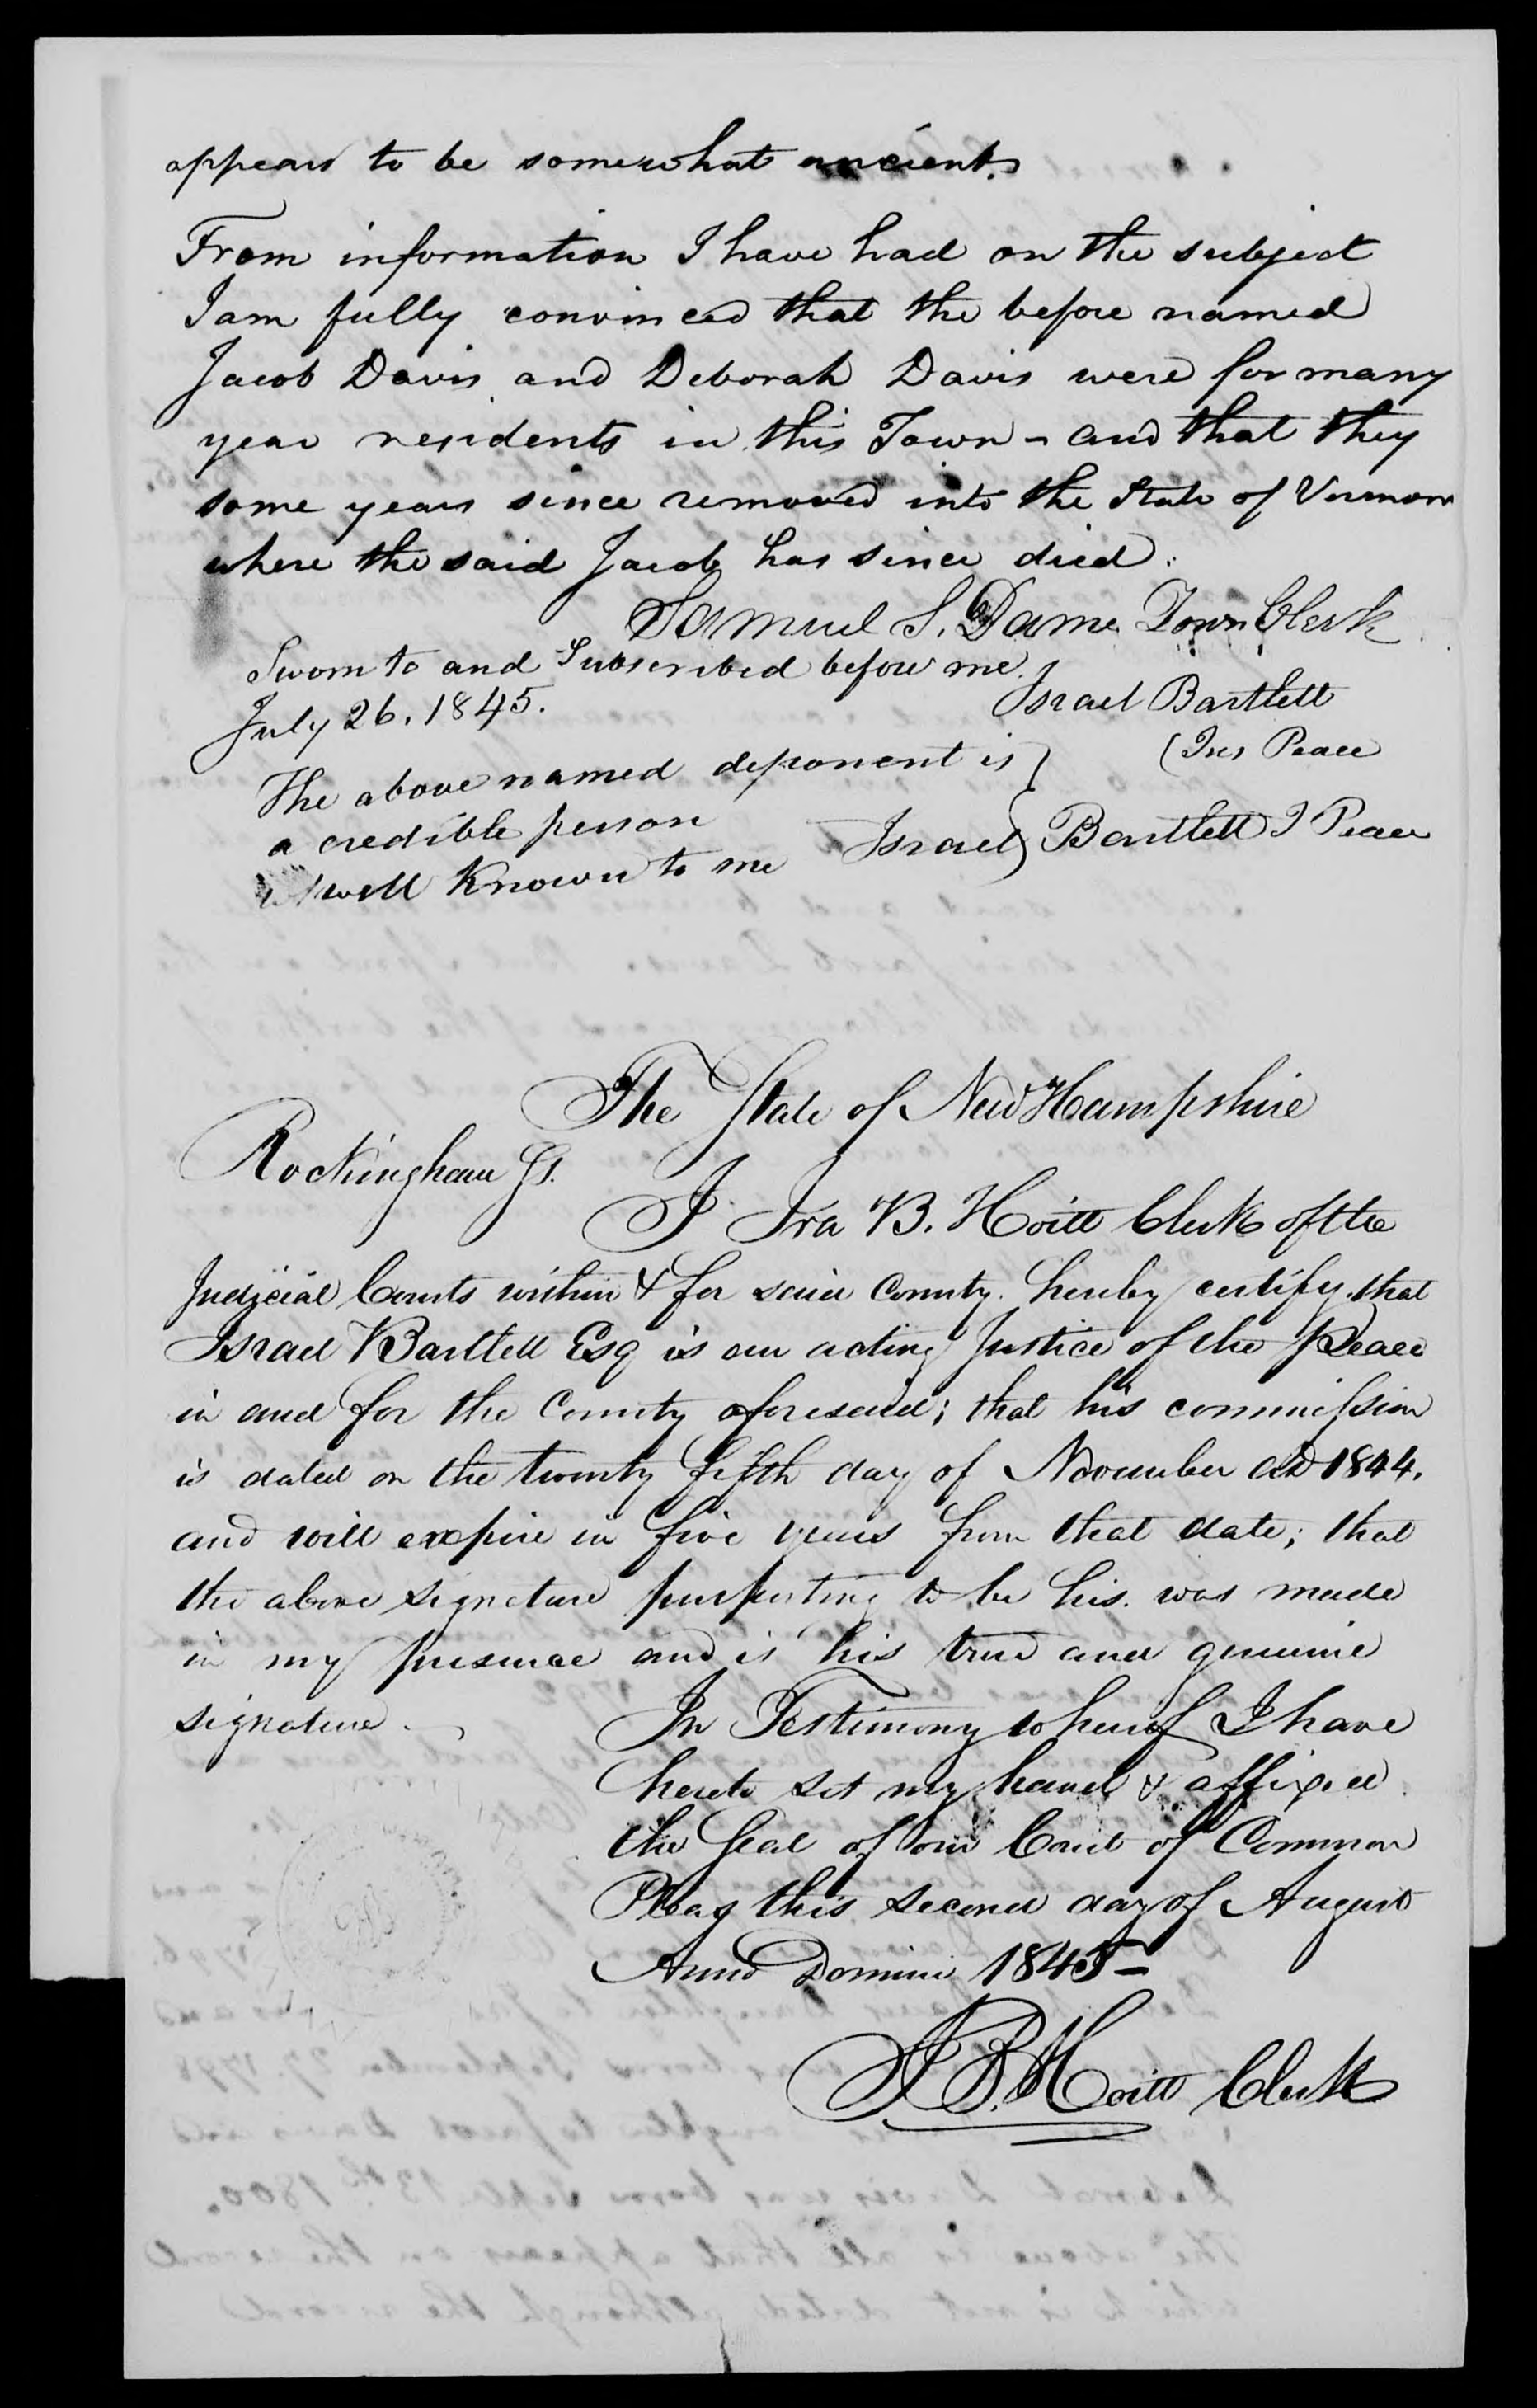appears to be somewhat ancient.
From information I have had on the subject I am fully convinced that the before named Jacob Davis and Deborah Davis were for many year residents in this Town - and that they some years since removed into the State of Vermont
here the said Jacob has since died.
Samuel S. Dame [Davis] Town Clerk
Sworn to and Subscribed before me
July 26, 1845.
Israel Bartlett Jus Peace
The above named deponent is a credible person
well known to me
Israel Bartlett J Peace

The State of New Hampshire
Rockingham SS
I Ira B. Hoitt Clerk of the Judicial Court within and for said County hereby certify that Israel Bartlett Esq is an acting Justice of the Peace in and for the County aforesaid; that his commission is dated on the twenty fifth day of November AD 1844, and will expire in five years from that date; that the above signature purporting to be his was made in my presence and is his true and genuine signature
In Testimony to whereof I have
hereto set my hand and affixed
the Seal of our Court of Common
Pleas this second day of August
Anno Domini 1845-
J.B. Hoitt Clerk
---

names: Samuel S Dame, Israel Bartlett, Israel Bartlett, Ira B Hoitt, J B Hoitt, Israel Bartlett, Jacob Davis, Deborah Davis, Jacob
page: 10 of 47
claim: widow's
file: W. 24043, Jacob Davis, N.H.